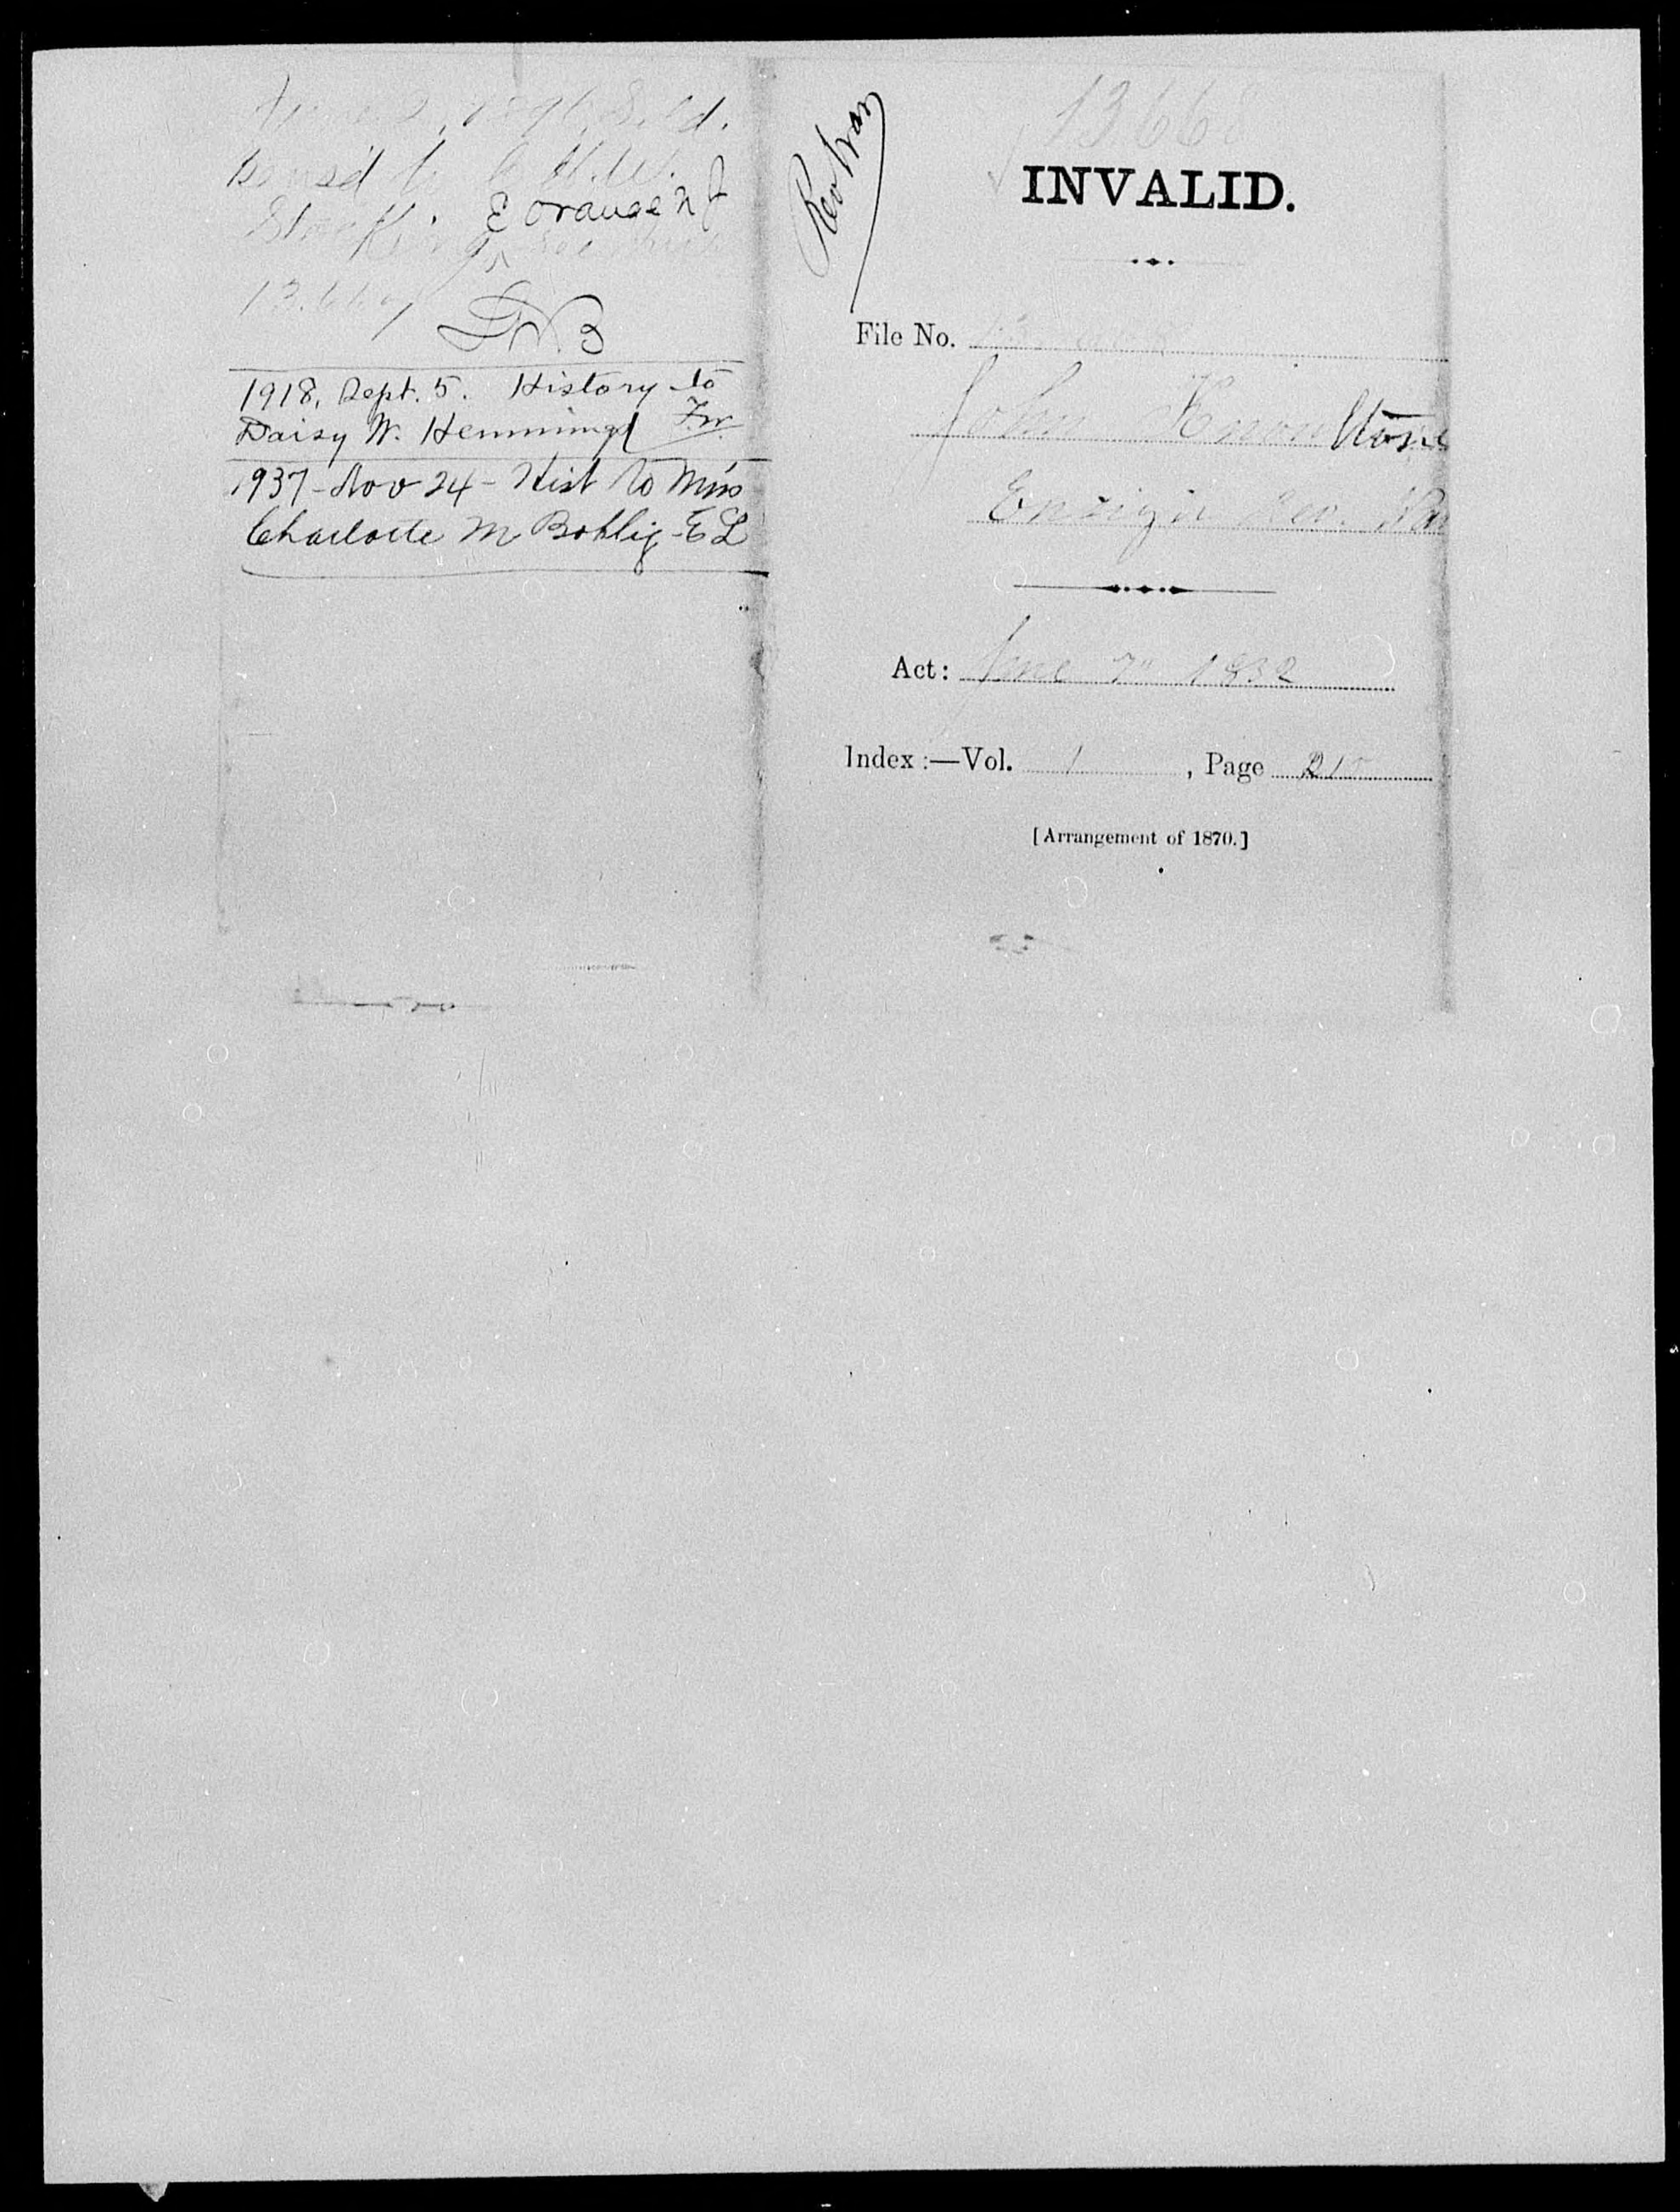.
[illegible] LMB
--------------
1918, Sept. 5. History to
Daisy W. Hemming
-----------------------
1937- Nov 24 - Hist to Miss
Charlotte M Boblig EL

13668
INVALID.
Rev. War
File No. [illegible]
John Knowlton
Ensign Rev. War
---
Act: June 7th 1832
Index:-- Vol. 1, Page 215
[Arrangement of 1870.]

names: Charlotte M Bohlig; C H W Stocking; John Knowlton; Daisy W Hemmings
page: 18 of 25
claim: survivor's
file: S. 13668, for John Knowlton, New York